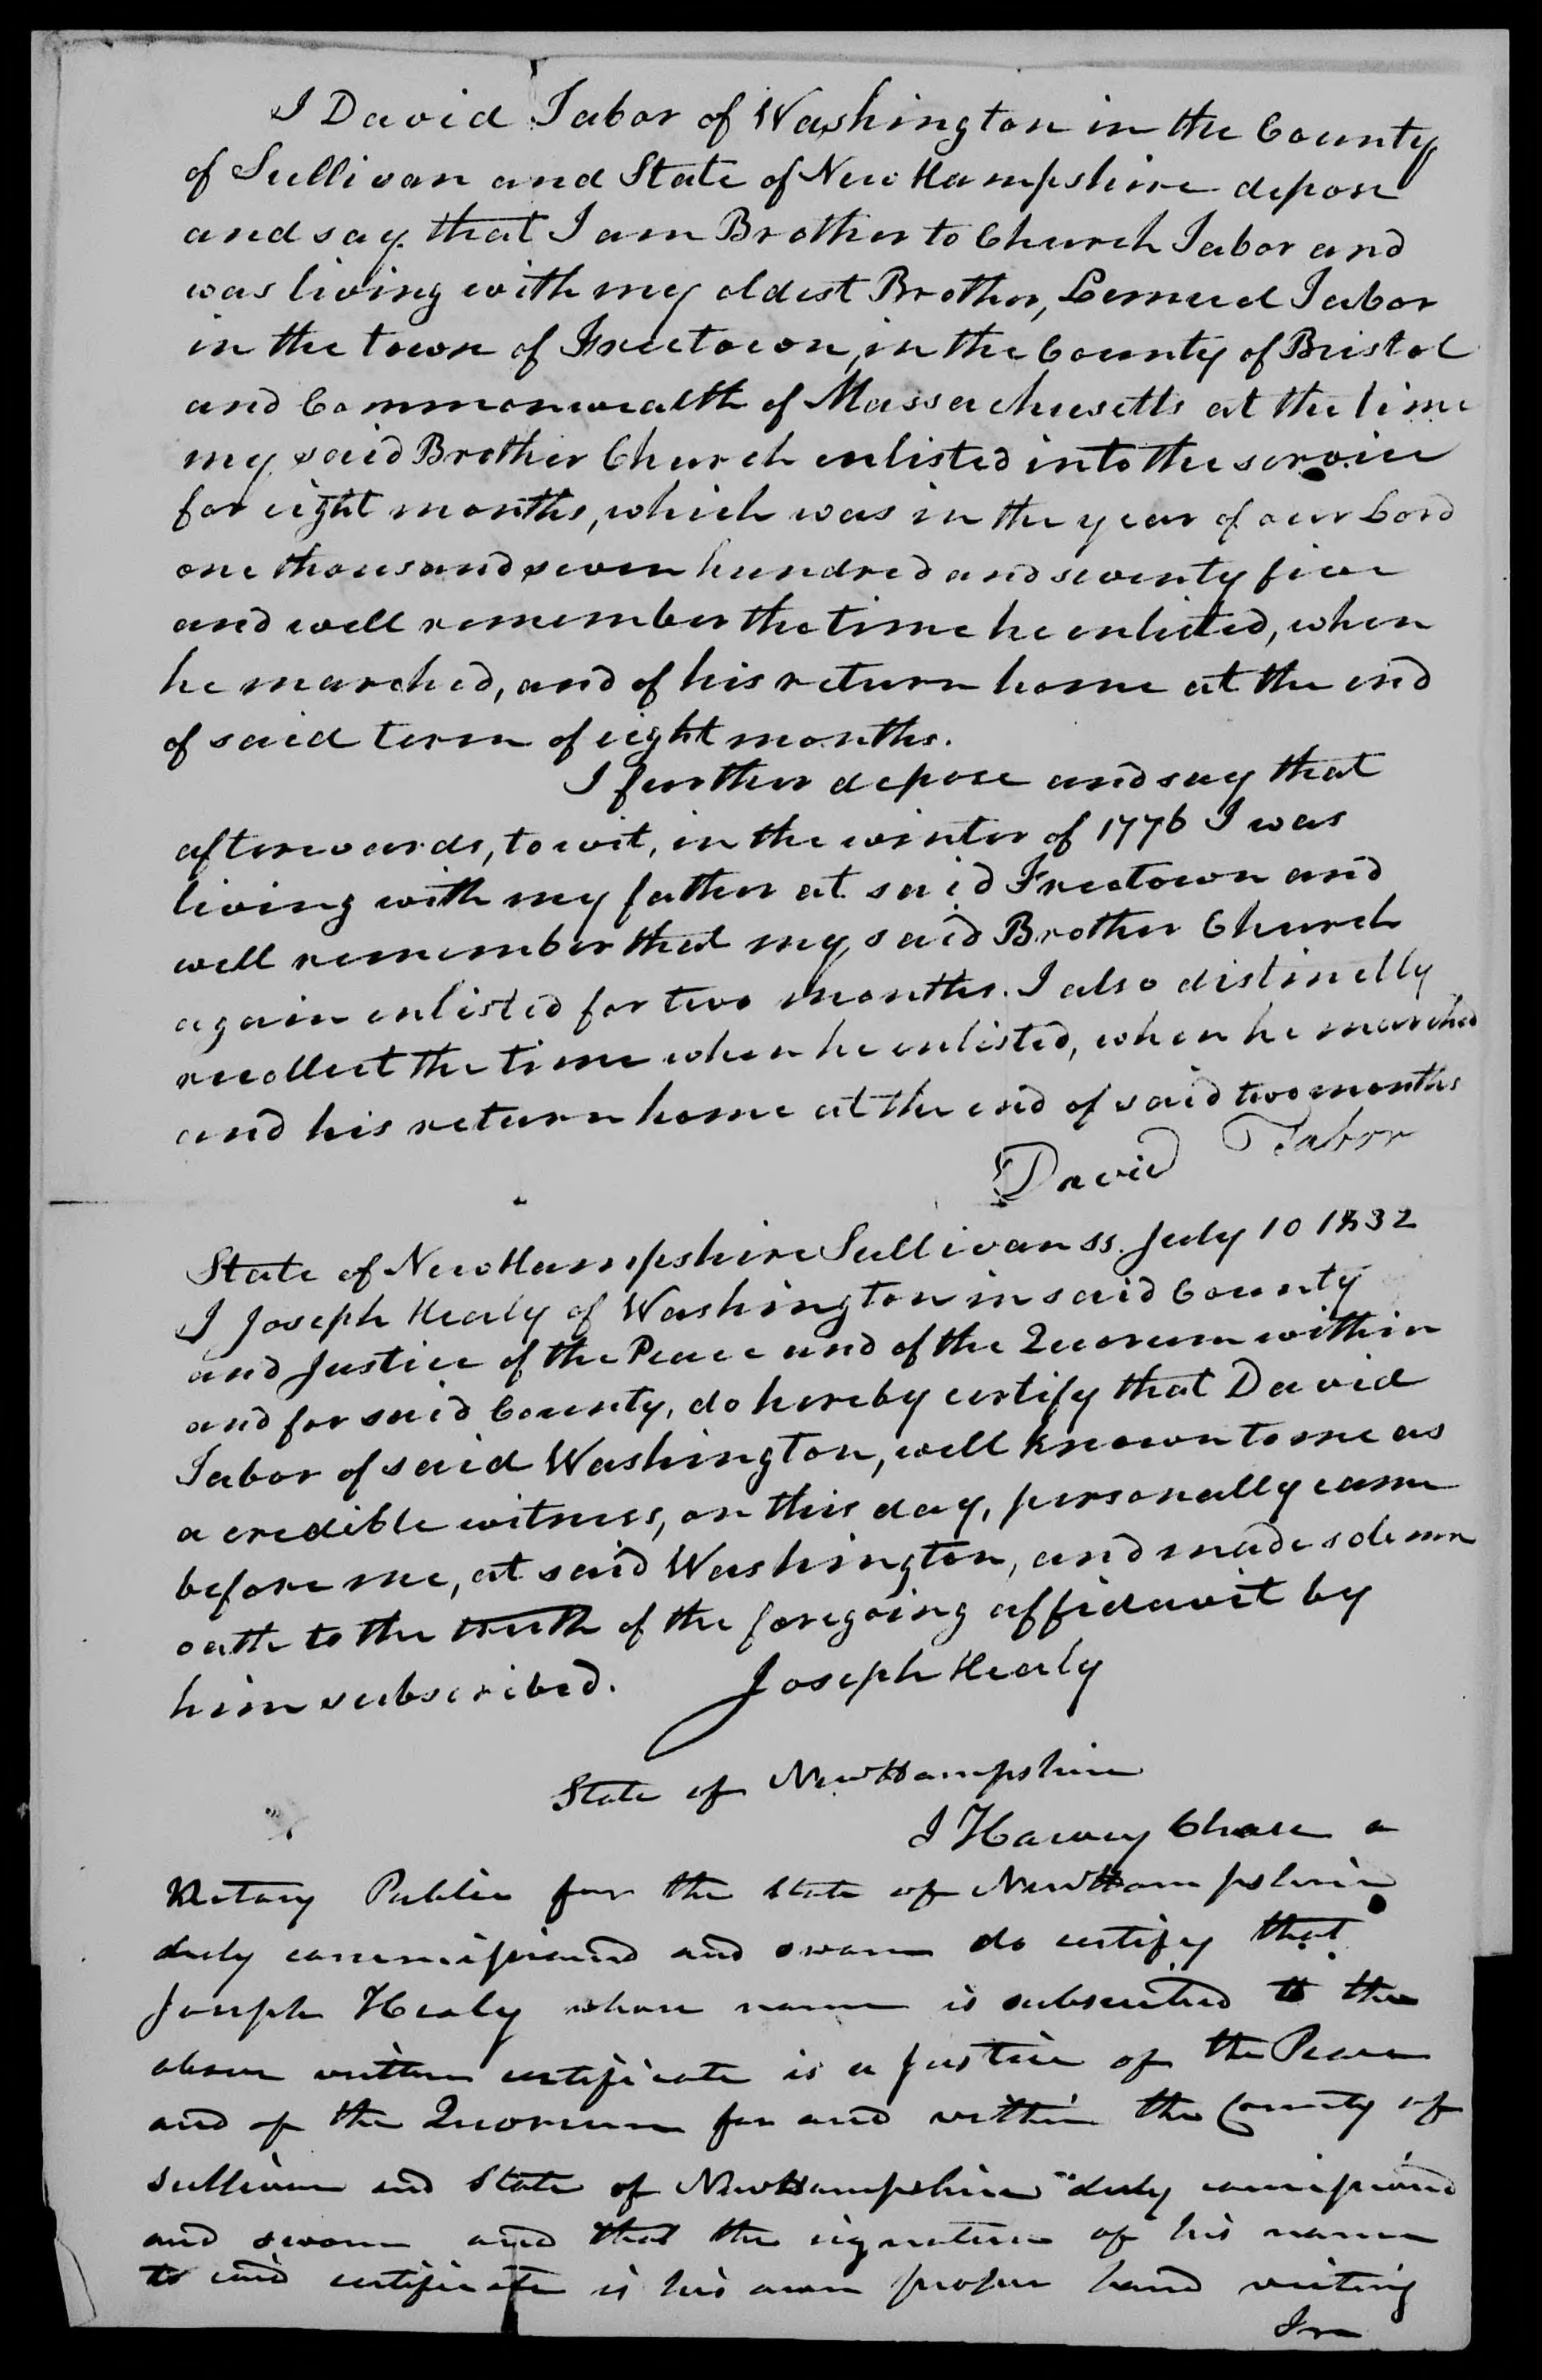I David Tabor of Washington in the County of Sullivan and State of New Hampshire depose and say that I am Brother to Church Tabor and was living with my oldest Brother Lemuel Tabor in the town of Freetown in the County of Bristol and Commonwealth of Massachusetts at the time my said brother Church enlisted into the service for eight months, which was in the year of our Lord one thousand seven hundred and seventy five and well remember the time he enlisted, when he marched and of his return home at the end of said term of eight months.
I further depose and say that afterwards, to wit, in the winter of 1776 I was living with my father at said Freetown and well remember that my said Brother Church again enlisted for ttwon months. I also distinctly recollect the time when he enlisted, when he marched and his return home at the end of said two months.
David Tabor

State of New Hampshire
Sullivan ss. July 10 1832
I Joseph Healy of Washington in said county and Justice of the Peace and of the Quorum within and for said County do hereby certify that David Tabor of said Washington, well known to me as a credible witness on this day, personally came before me at said Washington and made solemn oath to the truth of the foregoing affidavit by him subscribed.
Joseph Healy

State of New Hampshire
I Harvey Chase a Notary Public for the State of New Hampshire duly commissioned and sworn do certify that Joseph Healy whose name is subscrbed to the above written certificate is a Justice of the Peace and of the Quorum for and within the county of Sullivan and State of New Hampshire duly commissioned and sworn and that the signature of his name to said certificate is his own proper hand writing.
Jr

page: 9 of 41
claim: widow's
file: W 26507, for Church Tabor, Massachusetts